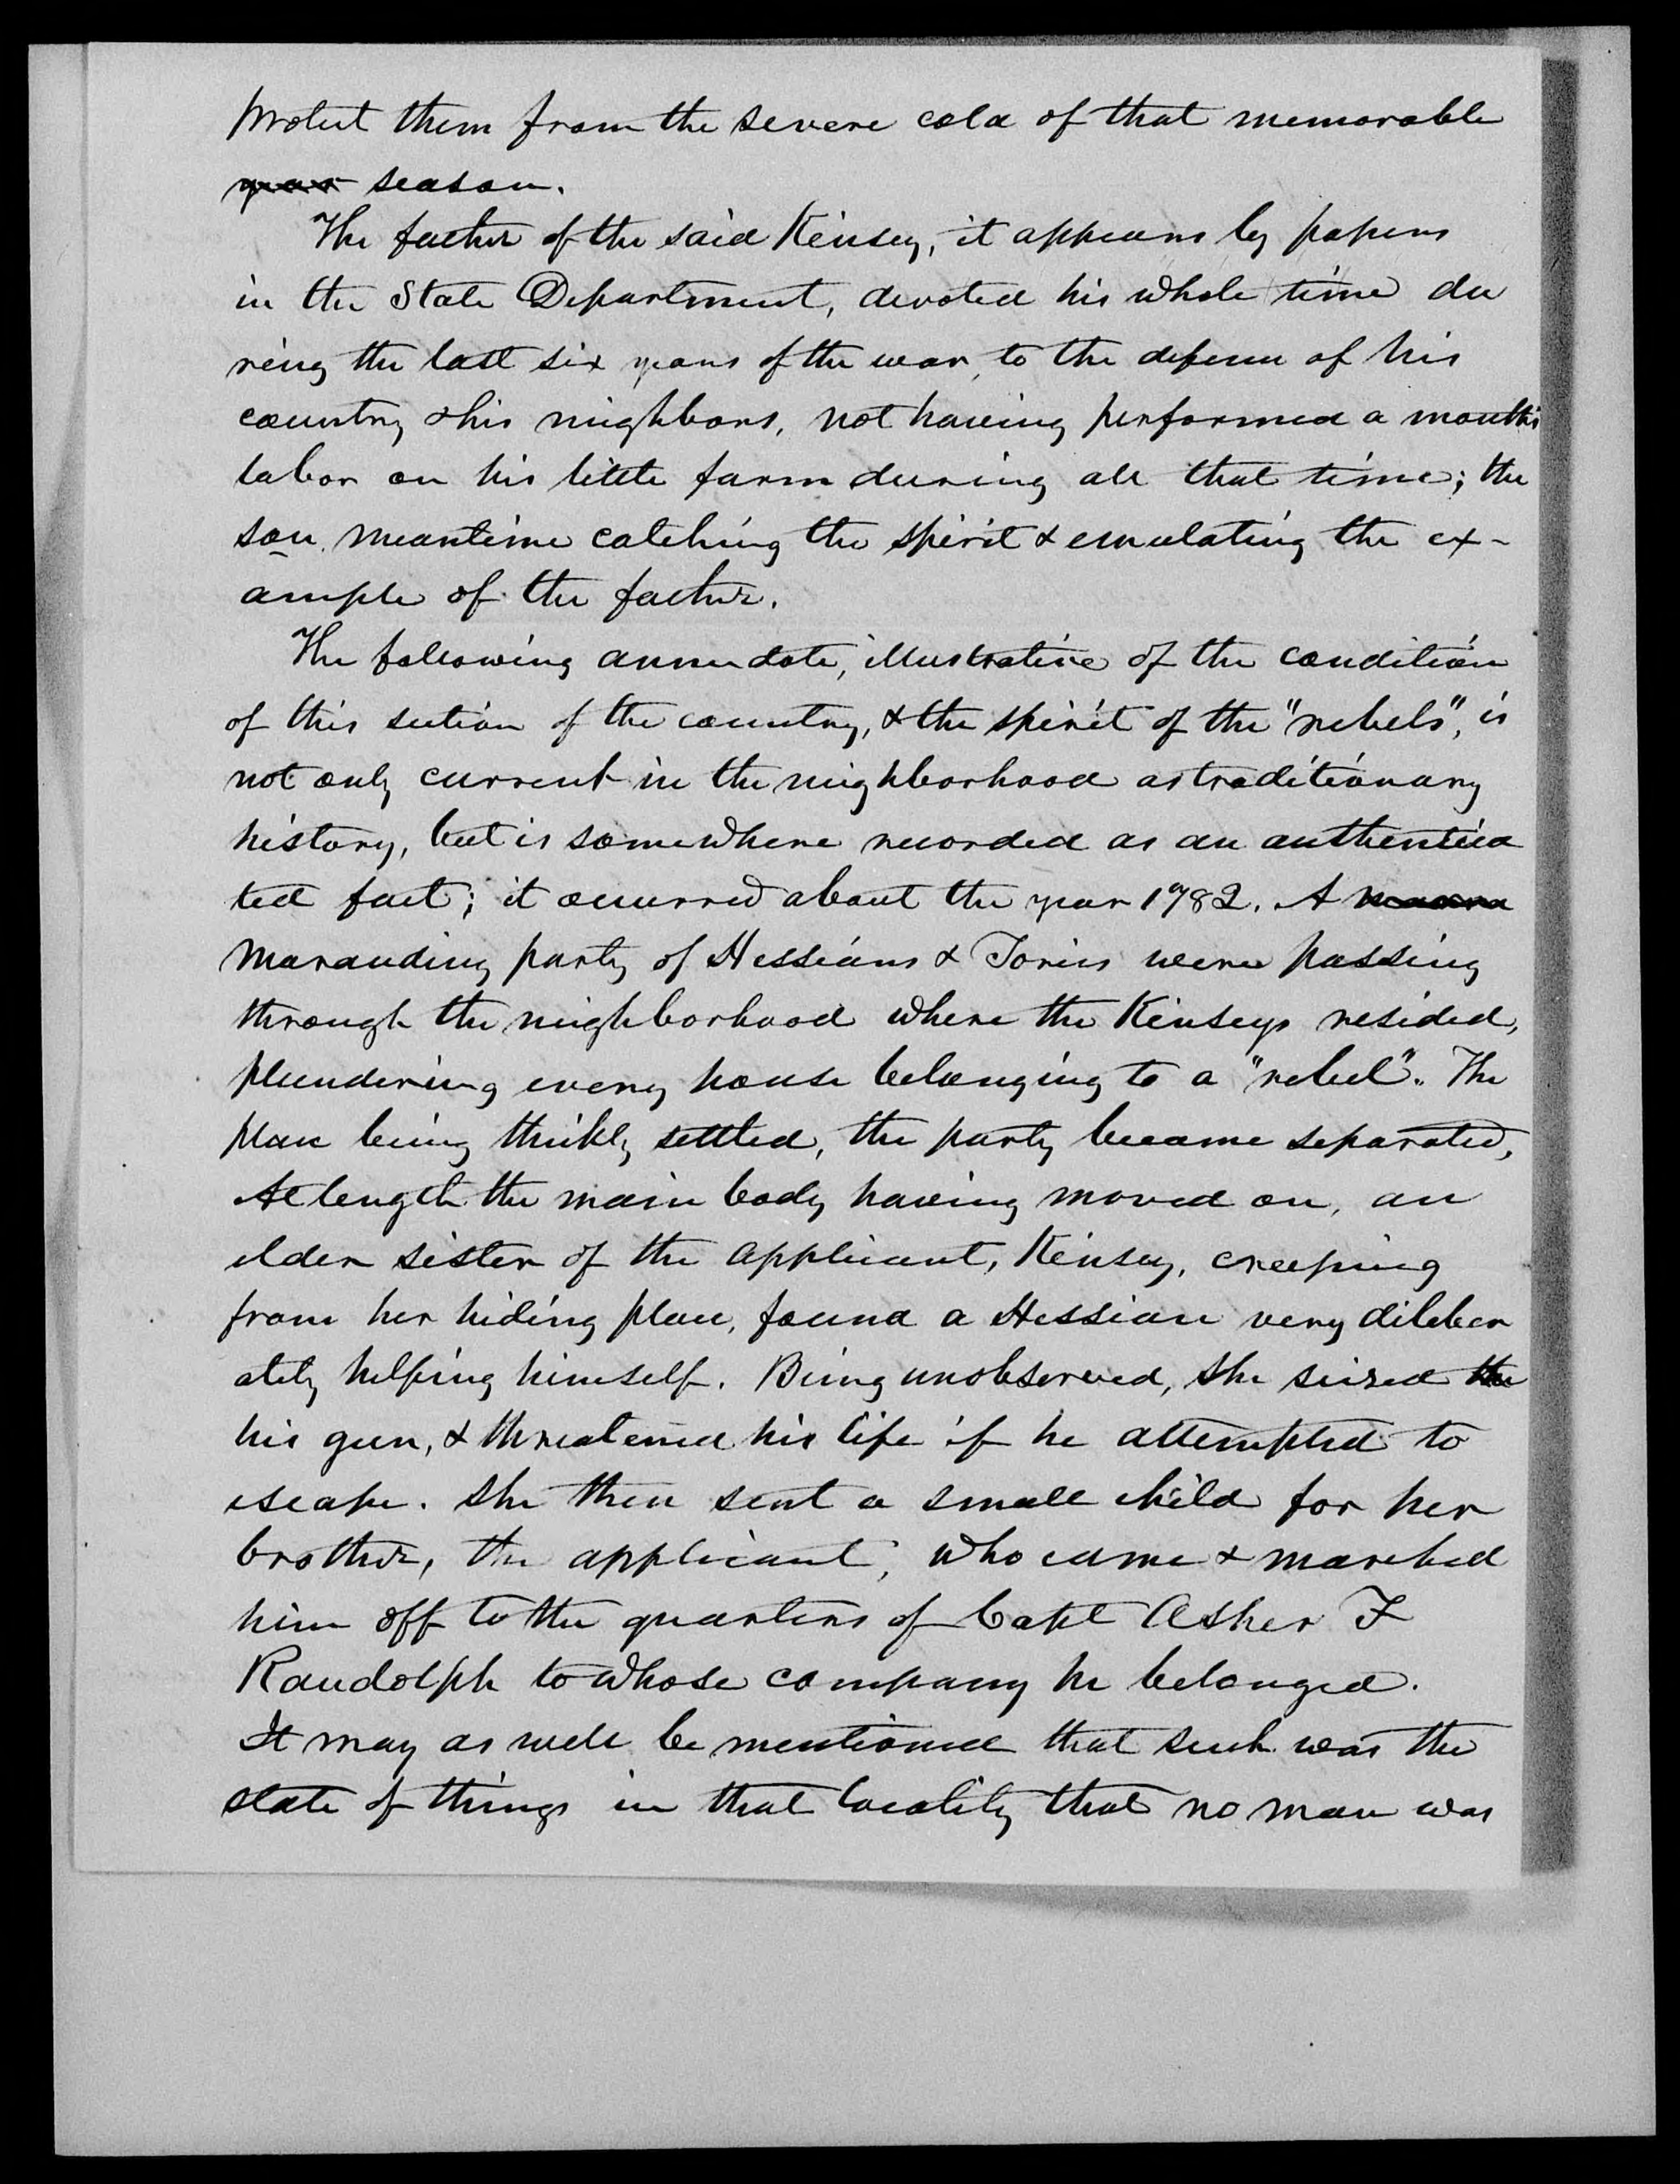...protect them from the severe cold of that memorable [crossed out: year] season.

The father of the said Kinsey, it appears by papers in the State Department, devoted his whole time during the last six years of the war, to the defense of his country & his neighbors, not having performed a month's labor on his little farm during all that time; the son, meantime catching the spirit & emulating the example of the father.

The following annotate, illustrative of the conditions of this section of the country, & the spirit of the "rebels," is not only current in the neighborhood as traditionary history, but is somewhere recorded as an authenticated fact; it occurred about the year 1782. A [crossed out: mercenary] marauding party of Hessians & Tories were passing through the neighborhood where the Kinsey's resided, plundering every house belonging to a "rebel". The
place being thickly settled, the party became separated. At length, the main body having moved on, an elder sister of the applicant, Kinsey, creeping from her hiding place found a Hessian very deliberately helping himself. Being unobserved, she seized [crossed out: the] his gun & threatened his life if he attempted to escape. She then sent a small child for her brother, the applicant, who came & marched him off to the quarters of Col. Asher F. Randolph, to whose company he belonged. It may as well be mentioned that such was the state of things in that locality, that no man was...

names: [BLANK] Kinsey; Asher F Randolph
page: 93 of 95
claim: survivor's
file: S 2889, for Levi Mundy, New Jersey